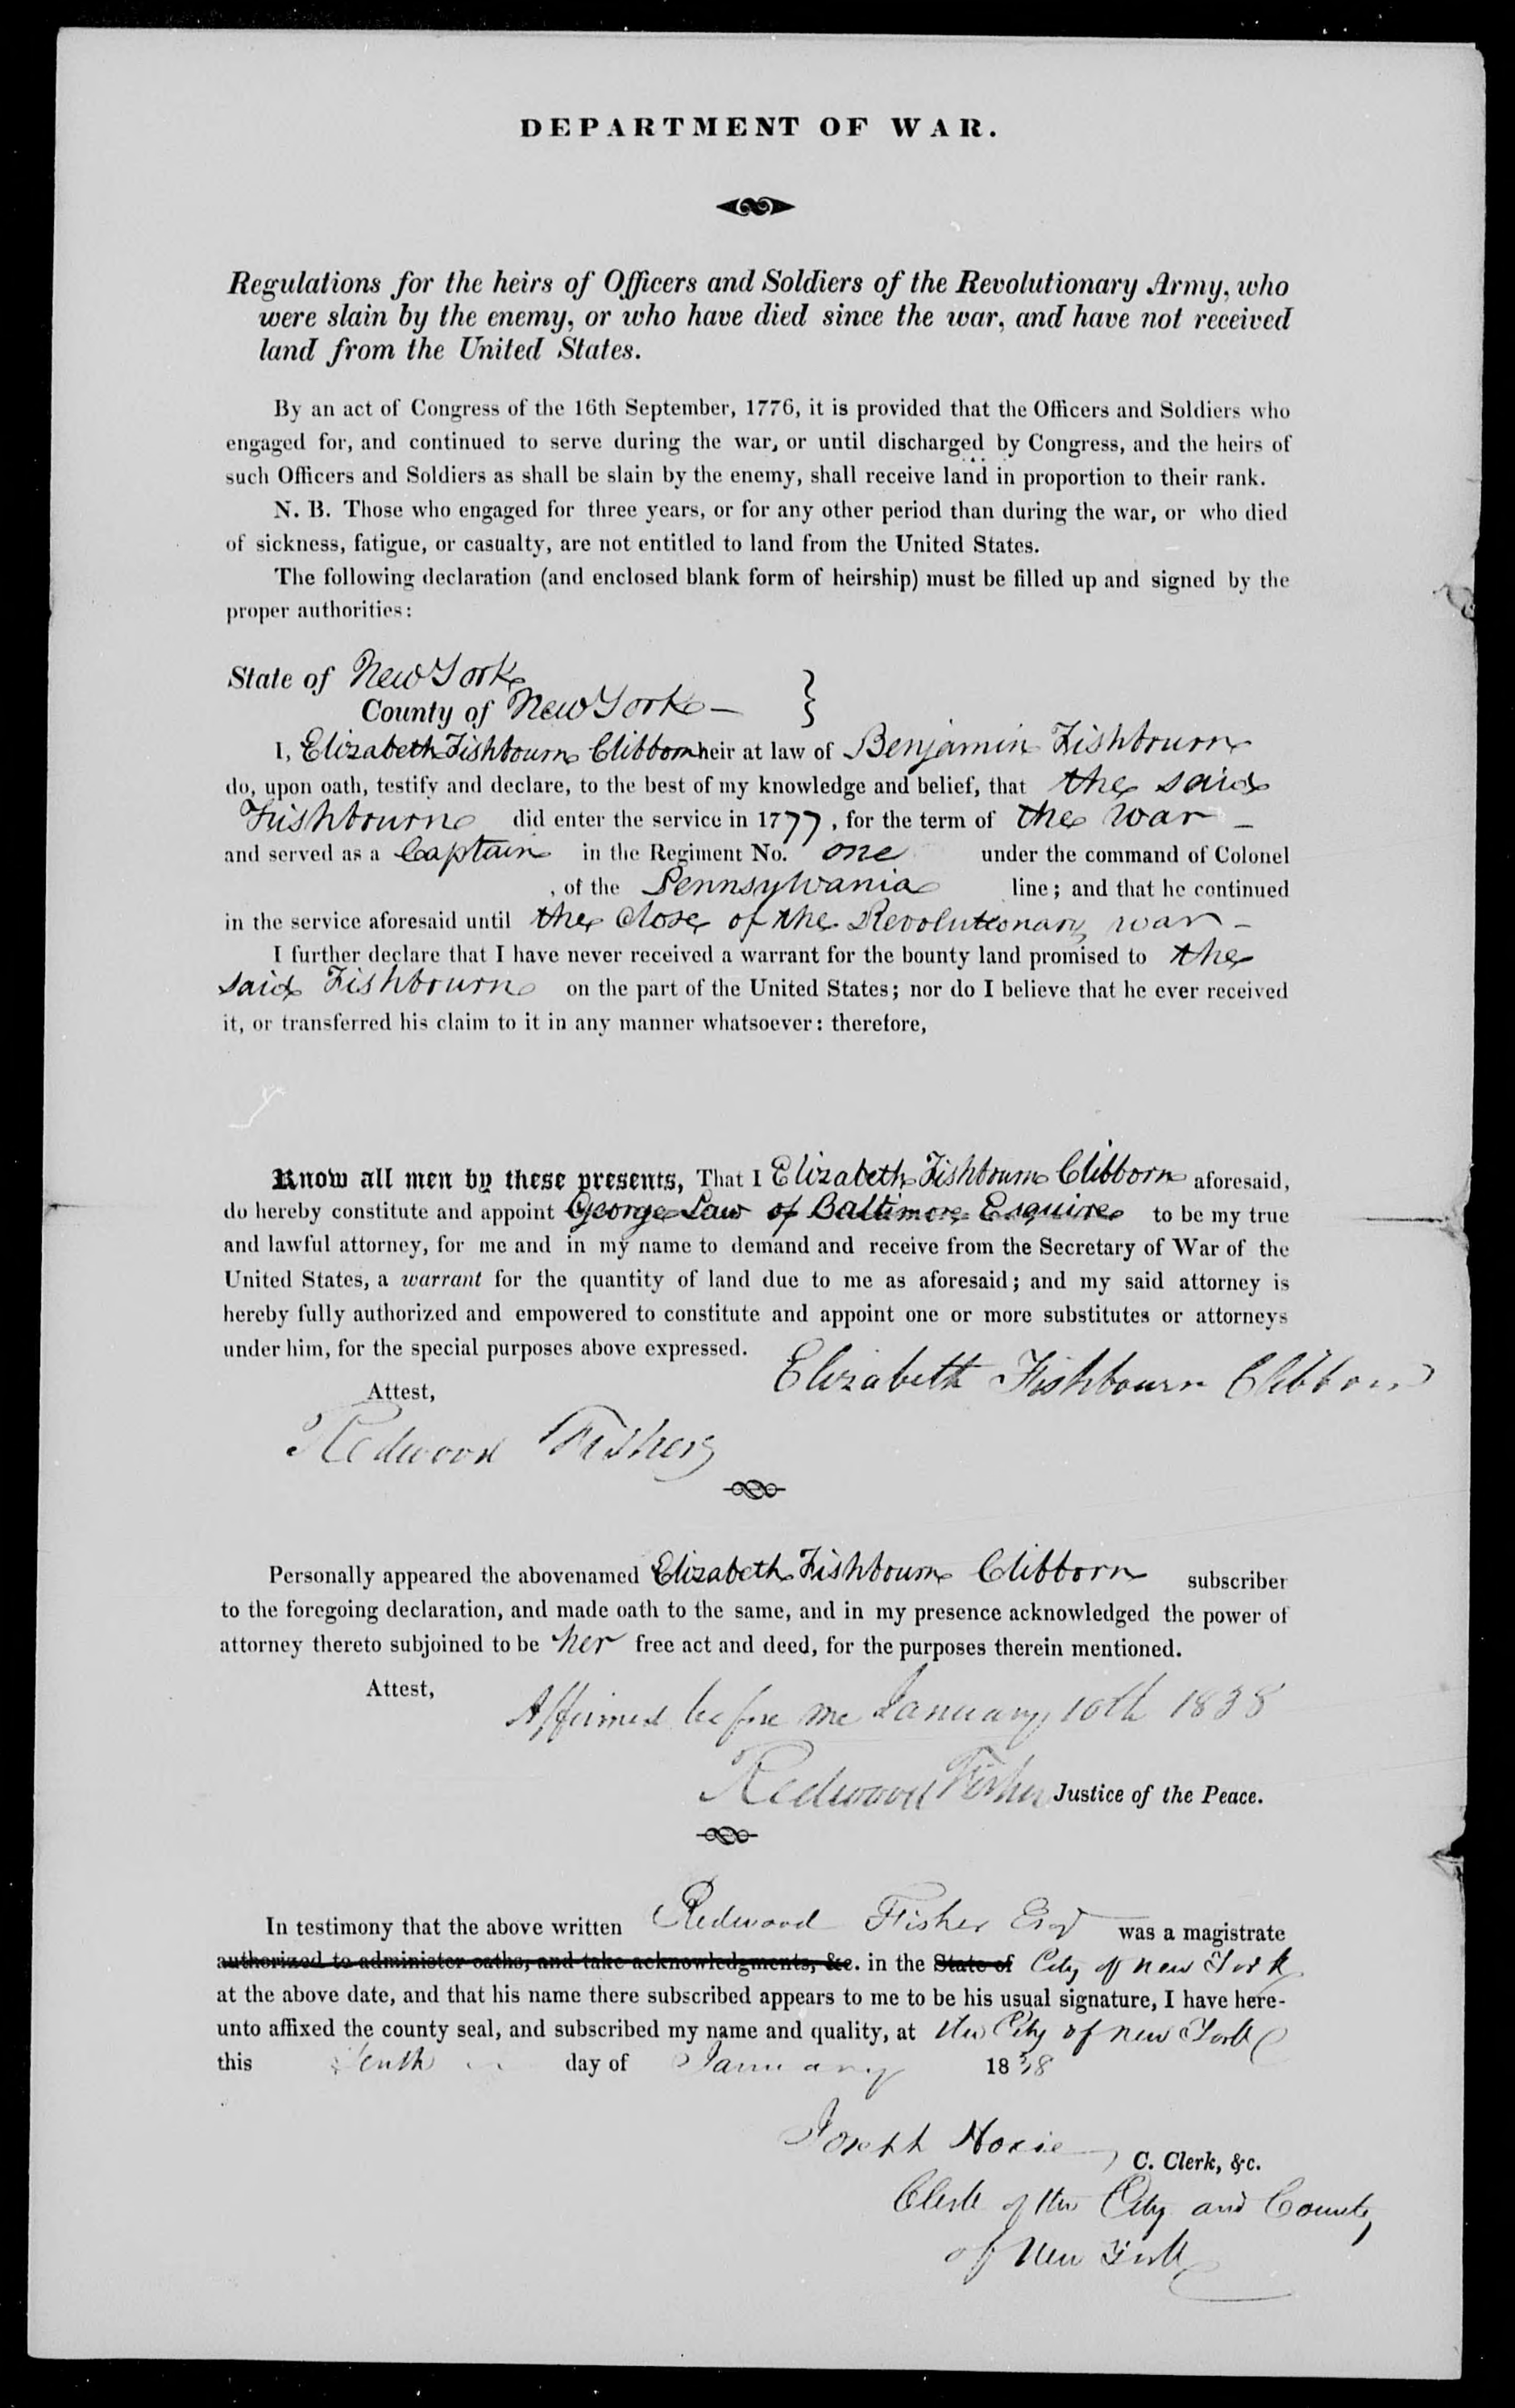DEPARTMENT OF WAR.

Regulations for the heirs of Officers and Soldiers of the Revolutionary Army, who were slain by the enemy, or who have died since the war, and have not received land from the United States.

By an act of Congress of the 16th September, 1776, it is provided that the Officers and Soldiers who engaged for, and continued to serve during the war, or until discharged by Congress, and the heirs of such Officers and Soldiers as shall by slain by the enemy, shall receive land in proportion to their rank.
N.B. Those who engaged for three years, or for any other period than the war, or who died of sickness, fatigue or casualty, are not entitled to land from the United States.
The following declaration (and enclosed blank for of heirship) must be filled up and signed by the proper authorities:

State of New York County of New York}
I, Elizabeth Fishbourn Clibborn heir at law of Benjamin Fishbourn do, upon oath, testify and declare, to the best of my knowledge and belief, that the said Fishbourn did enter the service in 1777, for the term of the war- and served as a Captain in the Regiment No. one under the command of Colonel, of the Pennsylvania line; and that he continued in the service aforesaid until the close of the Revolutionary war-
I further declare that I have never received a warrant for the bounty land promised to the said Fishbourn on the part of the United States; nordo I believe that he ever received it,  or transferred his claim to it in any manner whatsoever: therefore,
Know all men by these presents, That I Elizabeth Fishborn Clibborn aforesaid, do hereby constitute and appoint George Law of Baltimore Esquires to be my true and lawful attorney, or me and in my name to demand and receive from the Secretary of War of the United States, a warrant for the quantity of land due to me as aforesaid; and my said attorney is hereby fully authorized and empowered to constitute and appoint one or more substitutes or attorney under him, for the special purposes above expressed.
Elizabeth Fishbourn Clibborn
Attest
Redwood Fisher
Personally appeared the abovenamed Elizabeth Fishbourn Clibborn Clibborn subscriber to the foregoing declaration, and made oath to the same, and in my presence acknowledged the power of attorney thereto subjoined to be her free act and deed or the purposes therein mentioned.
Attest, Affirmed before me January 10th 1838
Redwood Fisher Justice of the Peace.

In testimony that the above written Redwood Fisher Esq was a magistrate (following crossed out authorized to administer oaths, and take acknowledgement, Sec) in the (crossed out State of) City of New York at the above date, and that his name there subscribed appears to me to be his usual signature, I have hereunto affixed the county seal, and subscribed my name and quality, at New City of New York this tenth day of January 1838.
Joseph Horie C. Clerk, &c.
Clerk of the City and County of New York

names: George Law, Redwood Fisher, Redwood Fisher, Elizabeth Fishbourn, Benjamin Fishbourn, Fishbourn, Fishbourn, Elizabeth Fishbourn, Elizabeth Fishbourn, Redwood Fisher, Baltimore Esquire, Elizabeth Fishbourn, Joseph Horie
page: 3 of 11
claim: bounty land warrant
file: B.L.Wt. 2,206-300, Benjamin Fishbourn, Penn.